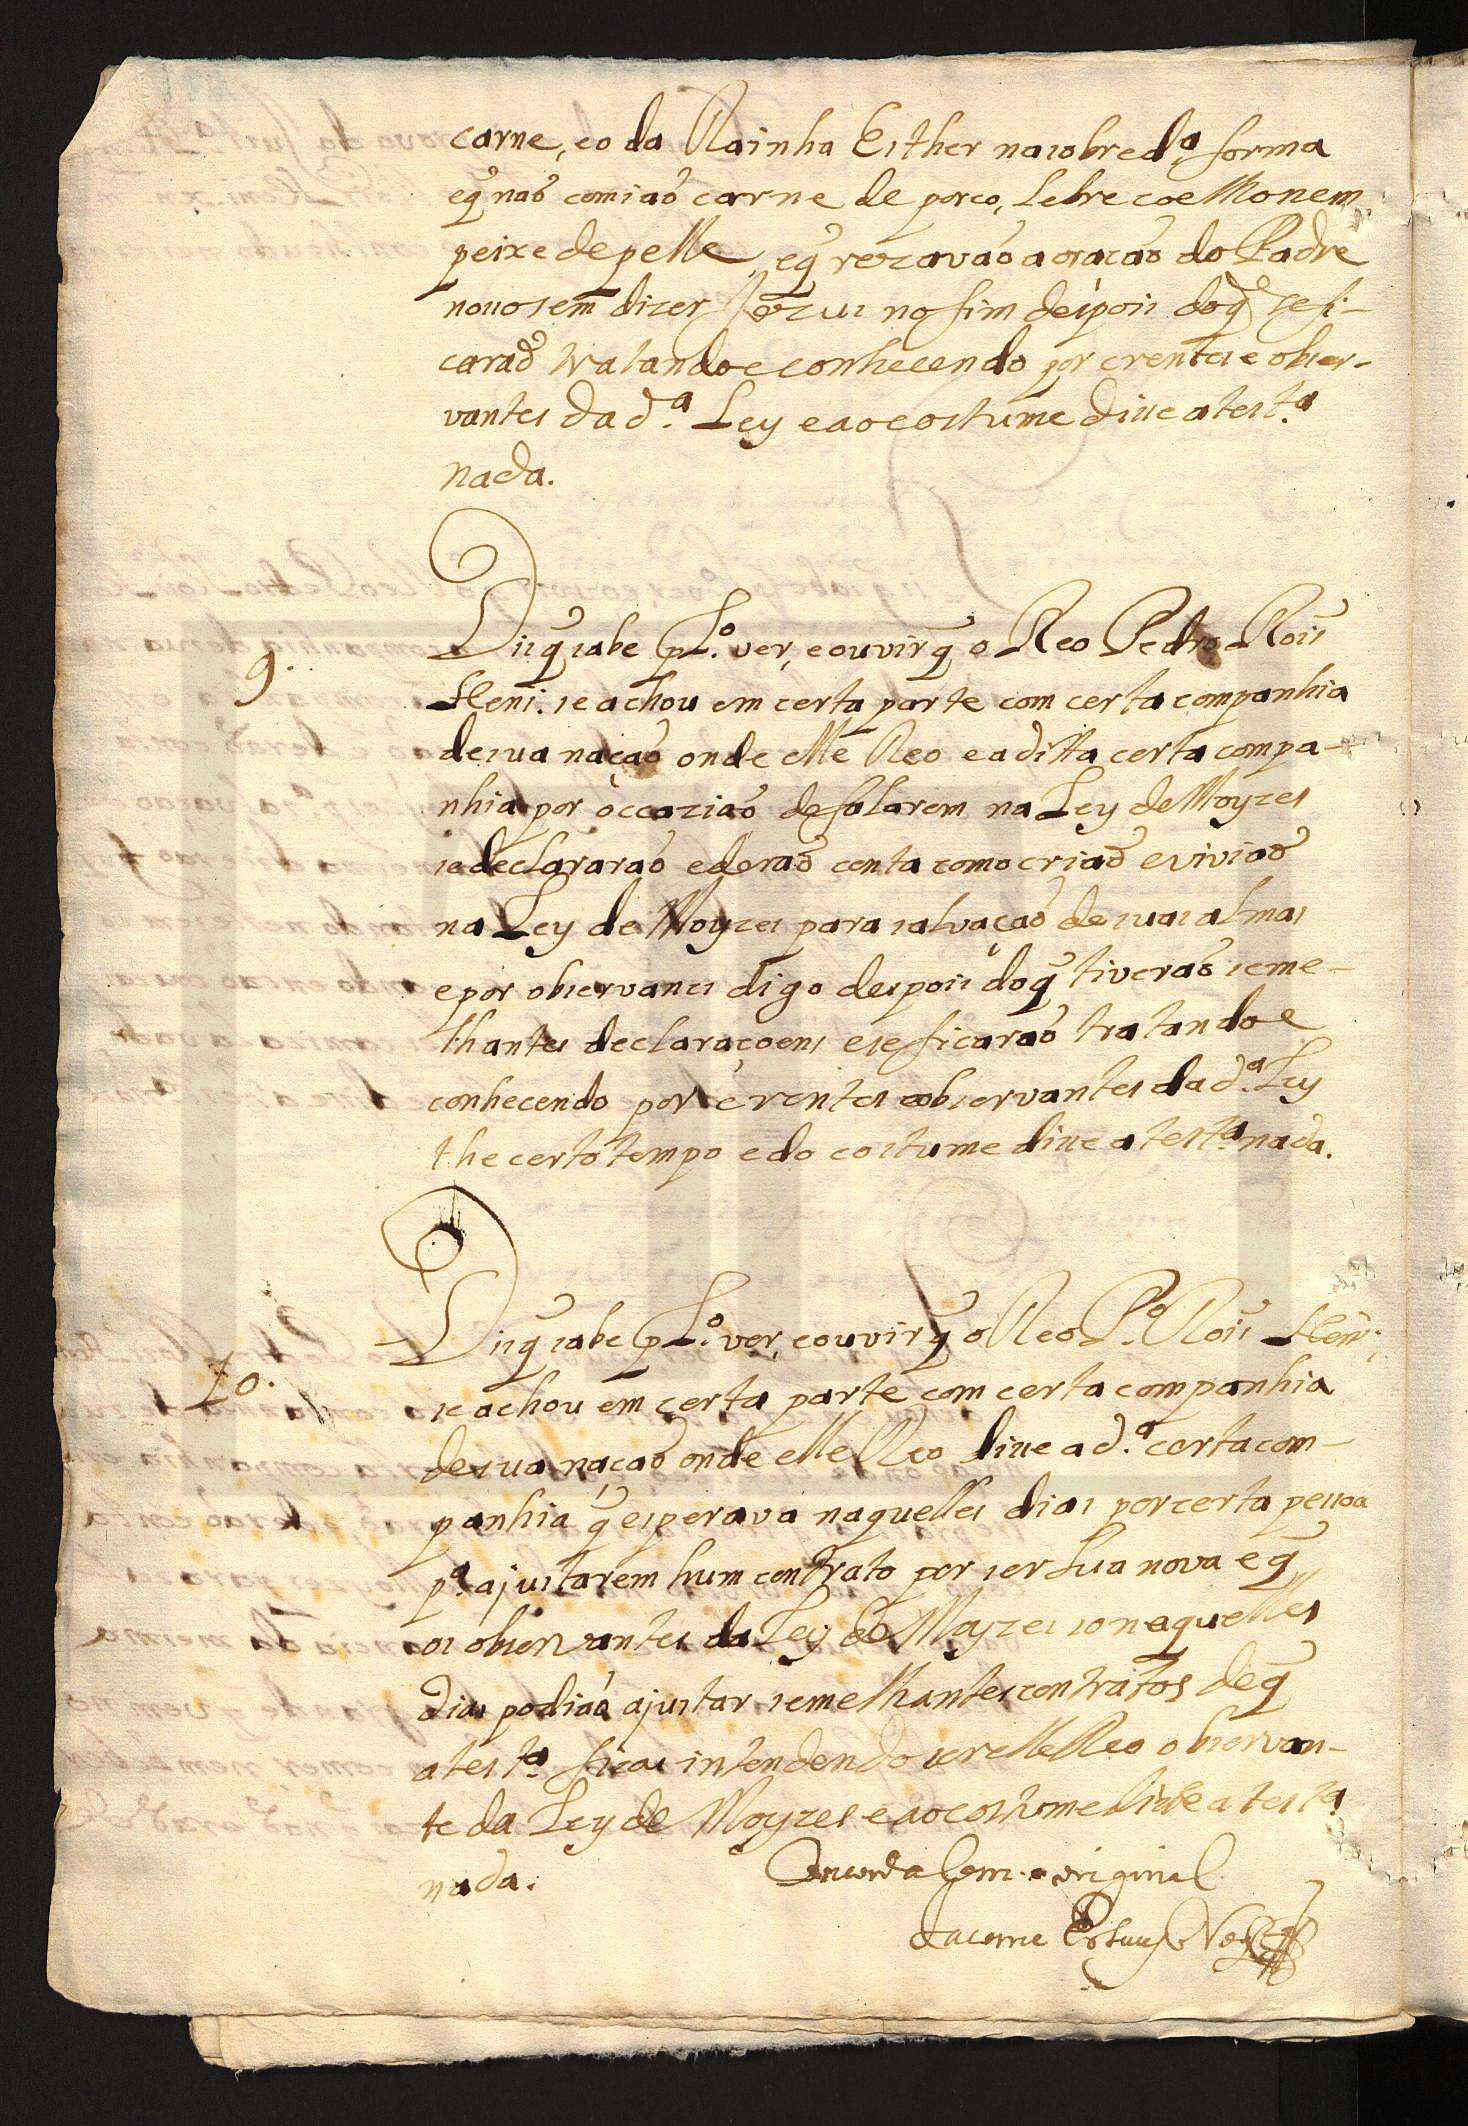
10.
9.
carne, e o da Rainha Esther na sobred.a forma
e q̄ naõ comiaõ carne de porco, Lebre coelho nem,
peixe de pelle, e q̄ rezavaõ a oraçaõ do Padre
nosso sem dizer Jezus no fim despois do q̄ se fi
caraõ tratando e conhecendo por crentes e obser
vantes da d.a Ley e ao costume disse a test.a
nada.
Dis q̄ sabe pL.o ver, e ouvir q̄ o Reo Pedro Rois̄
Hens̄ se achou em certa parte com certa companhia
de sua naçaõ onde elle Reo e a ditta certa compa
nhia por occaziaõ de falarem na Ley de Moyzes
se decLararaõ e deraõ conta como criaõ e viviaõ
na Ley de Moyzes para salvaçaõ de suas almas
e por observanci digo despois do q̄ tiveraõ seme
lhantes declaraçoens e se ficaraõ trantando e
conhecendo por crentes e observantes da d.a Ley
the certo tempo e do costume disse a test.a nada
Dis q̄ sabe pL.o ver, e ouvir q̄ o Reo P.o Rois̄ Hens̄;
se achou em certa parte com certa companhia
de sua naçaõ onde elle Reo disse a d.a certa com
panhia q̄ esperava naquelles dias por certa pessoa
p.a ajustarem hum contrato por ser Lua nova e q̄
os observantes da Ley de Moyzes so naquelles
dias podiaõ ajustar semelhates contratos de q̄
a test.a fica intendendo ser elle Reo observan
te da Ley de Moyzes e ao costume disse a testa
Concorda Com o original
nada.
Iacome Esteues Nogra
